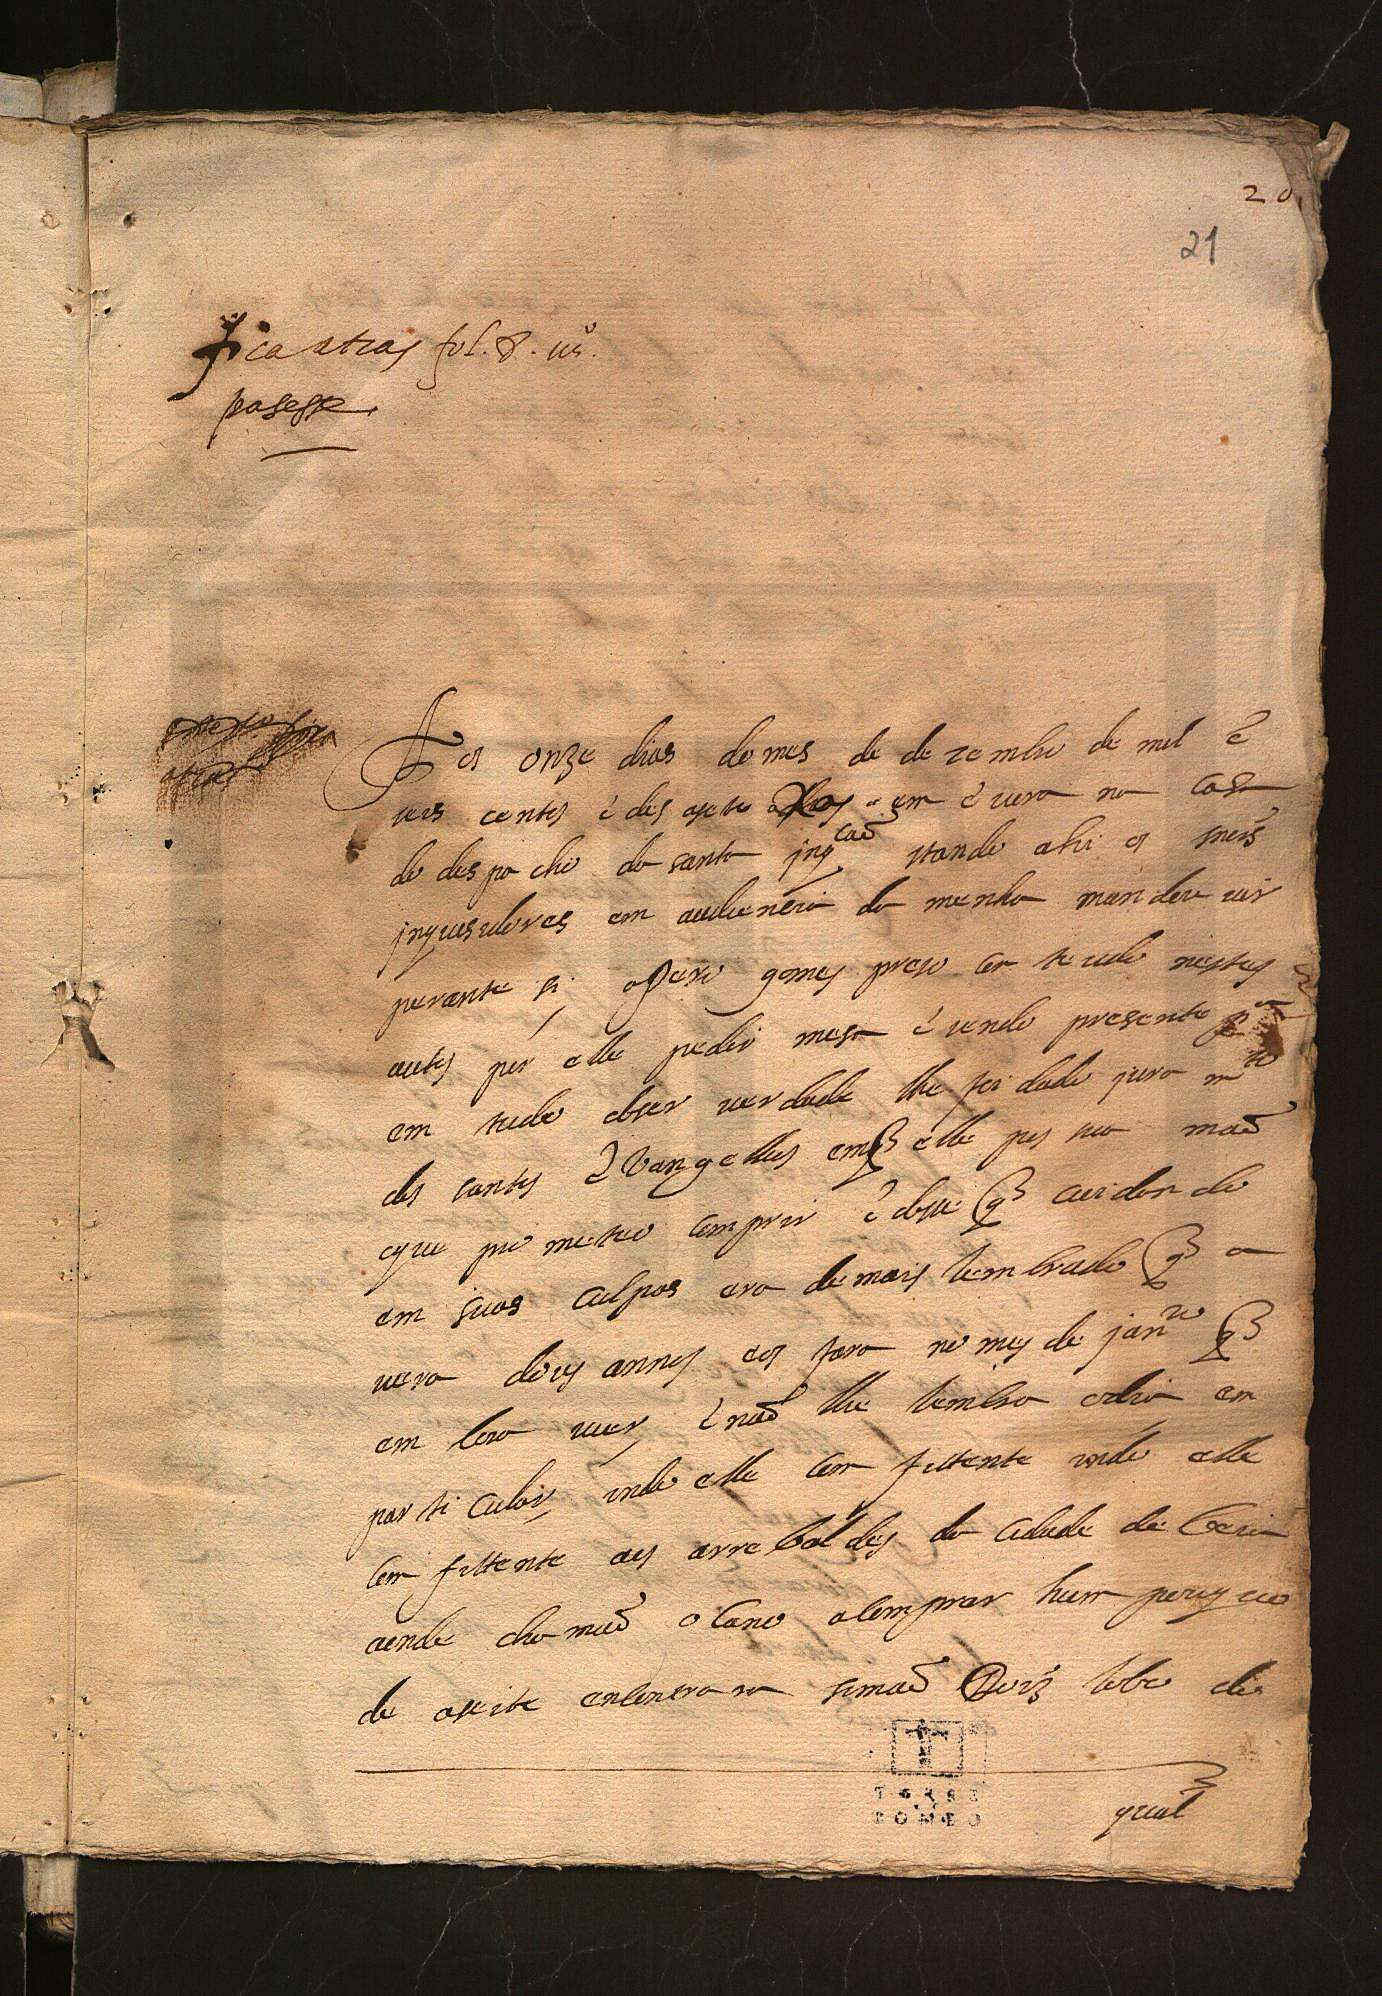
fica atras fol.8. uso.
pasesse
Aos onze dias do mes de dezembro de mil e
seiscentos e desasete _ em euora na casa
do despacho da santa jnqção stando ahi os snor̄s
jnquisidores em audiencia da menha mandou uir
perante si a pero gomes prezo conteudo nestes
autos per elle pedir mesa e sendo presente pa
em tudo diser uerdade lhe foi dado juramto
dos santos evangelhos em q̄ elle pos sua maõ
e que prometeo comprir e disse q̄ cuidando
em suas culpas era de mais lembrado q̄ a
uera dous annos e os fara no mes de janro q̄
embora uier e não lhe lembra o dia em
particular, indo elle comfittente indo elle
comfittente aos arrebaldes da cidade de beia
aonde chamaõ o Cano a comprar hum pouquo
de aseite encontrara simaõ Roiz̄ lobo dis
